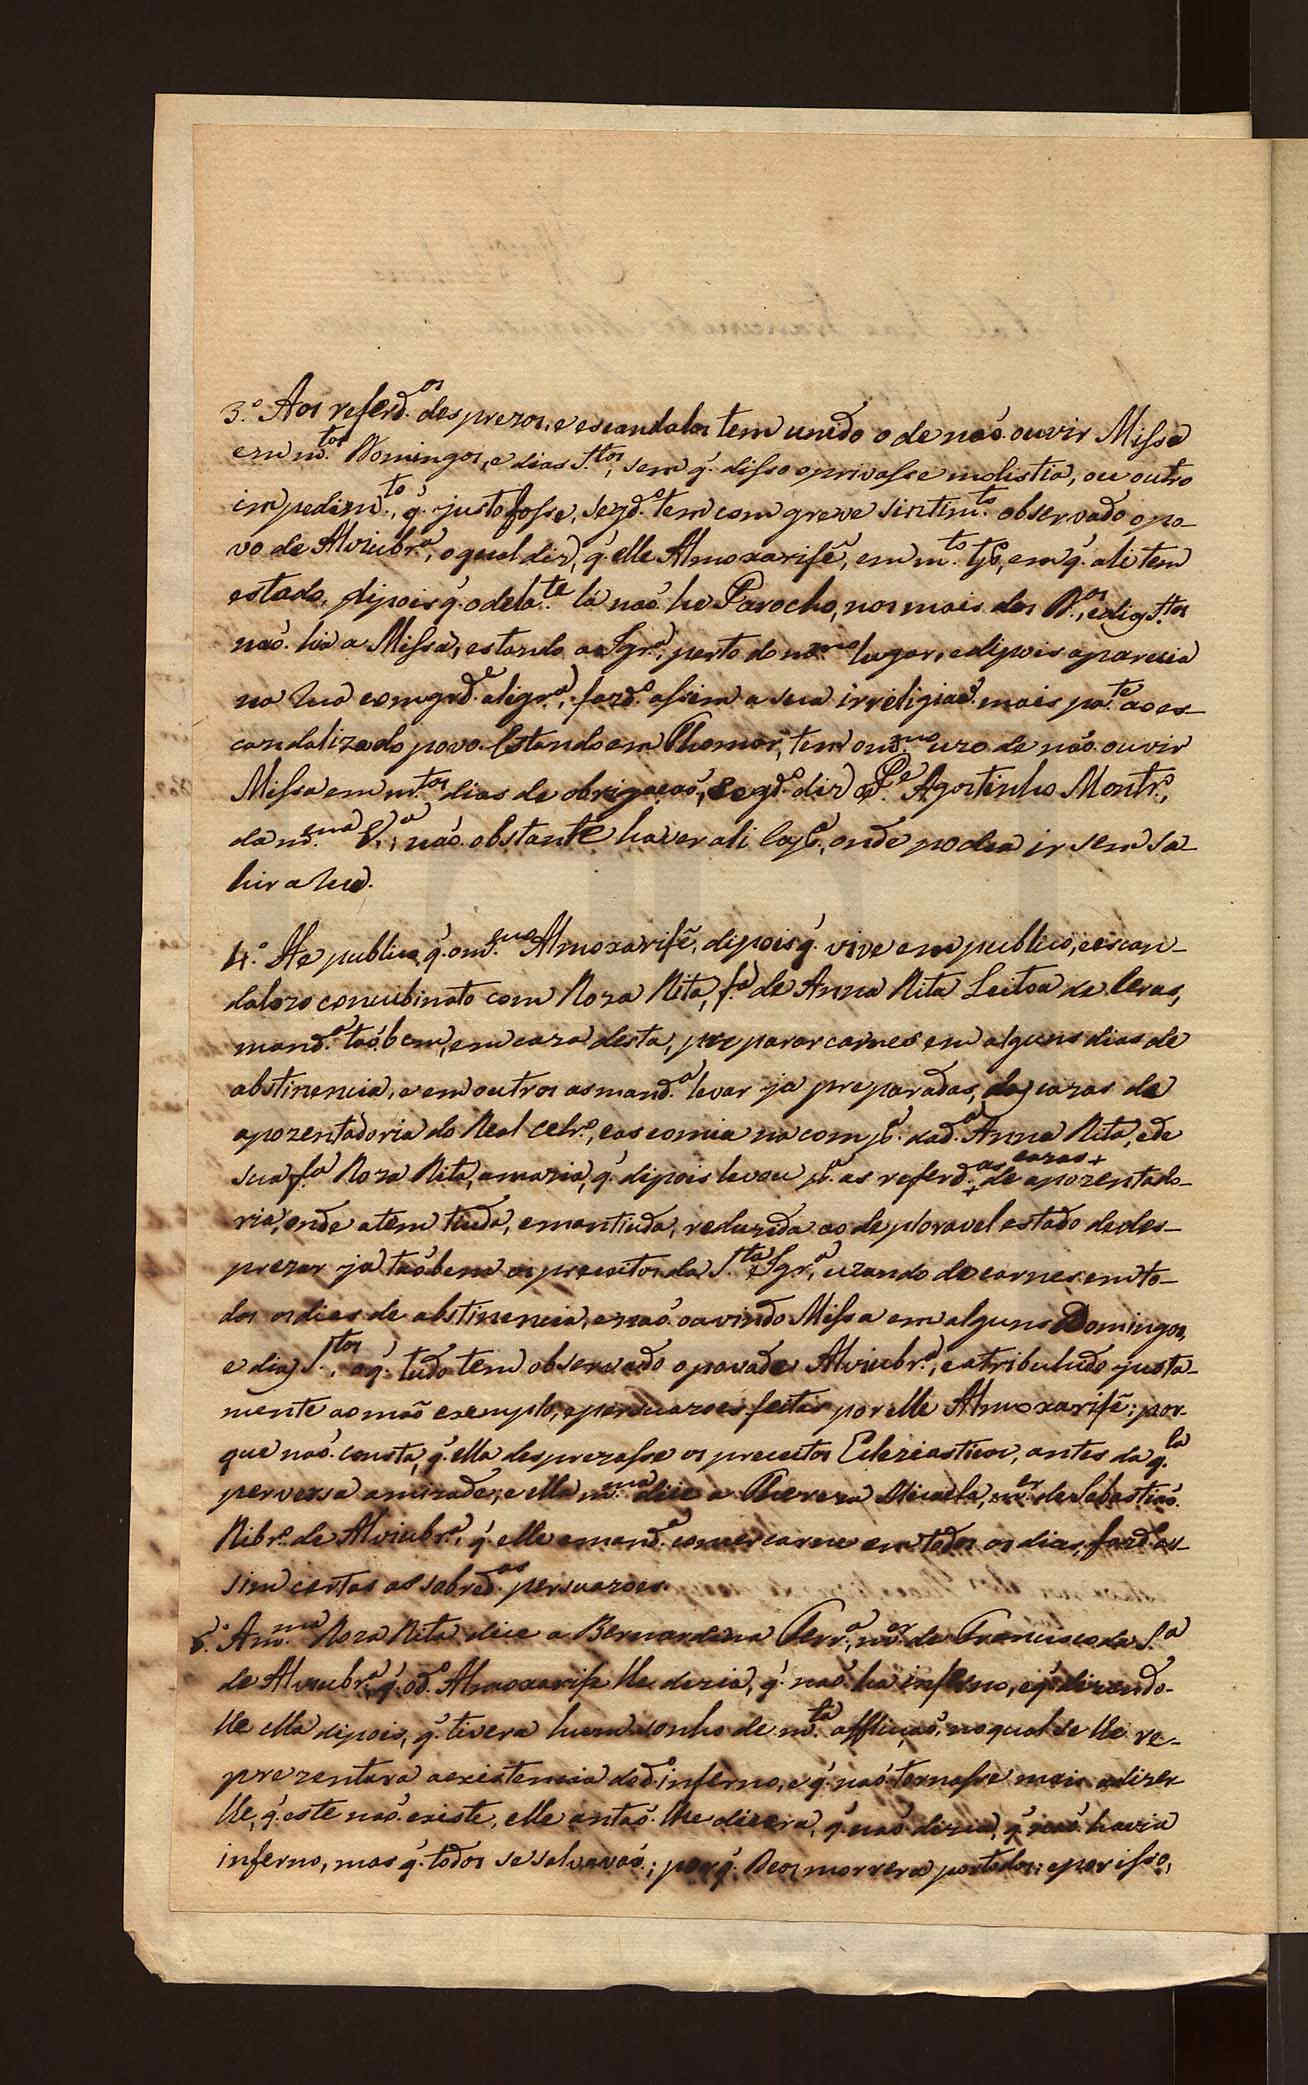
3.o Aos referd.os desprezos, e escandalos tem unido o de naõ ouvir Missa
em m.tos Domingos, e dias S.tos, sem q̄ disso o privasse molestia, ou outro
impedim.to, q̄ justo fosse, segd.o tem com greve sintim.to observado o po
vo de Alviubr.a, o qual diz, q̄ elle Almoxarifee, em m.to tpo, em q̄ ali tem
estado, dipois q̄ o dela.te lá naõ he Parocho, nos mais dos D.os, e dias s.tos
naõ hia a Missa, estando a Igr.a perto do m.mo lugar, e dipois aparecia
na Rua com grd.e aligr.a; fazd.o assim a sua irreligiaõ mais pa.te ao es
candalizado povo. Estando em Thomar, tem o m.mo uzo de naõ ouvir
Missa em m.tos dias de obrigaçaõ, segd.o diz o P.e Agostinho Montr.o,
da m.ma V.a: naõ obstante haver ali Capa., onde podia ir sem sa
hir a Rua.
4.o He publico, q̄ o m.mo Almoxarifê, depois q̄ vive em publico, e escan
dalozo concubinato com Roza Rita, f.a de Anna Rita Leitoa da Ceras,
mand.a taõbem, em caza desta, preparar carne em alguns dias de
abstinencia, e em outros as mand.a levar ja preparadas, das cazas da
apozentadoria do Real celr.o, e as comia na comp.a da d.a Anna Rita, e de
sua f.a Roza Rita, amazia, q̄ dipois levou p.a as referd.as
cazas
de apozentado
ria, onde a tem tiuda, e mantiuda, reduzida ao deploravel estado de des
prezar ja taõbem os preceitos da S.ta Igr.a, uzando de carnes: em to
dos os dias de abstinencia, e naõ ouvindo Missa em alguns Domingos,
e dias s.tos, o q̄ tudo tem observado o povo de Alviubr.a, e atribuhido justa
mente ao mao exemplo, e persuazoes feitas por elle Almoxarife: por
que naõ consta, q̄ ella desprezasse os preceitos Ecleziasticos, antes daq.la
perversa amizade, e ella m.ma dice a Thereza Micaella, m.er de Sebastiaõ.
Ribr.o de Alviubr.a q̄ elle a mand.a comer carne em todos os dias, fazd.o as
sim certas as sobredas persuazoes.
5.o A m.ma Roza Rita dice a Bernardina Ferr.a, m.er de Francisco da S.a
de Alviubr.a, q̄ o d.o Almoxarife lhe dezia, q̄ naõ ha inferno, e q̄ dizendo
lhe ella dipois, q̄ tivera hum sonho de m.ta afflicçaõ, no qual se lhe re
prezentara a existencia do d.o inferno, e q̄ naõ tornasse mais a dizer
lhe, q̄ este naõ existe, elle antaõ lhe dicera, q̄ naõ dezia, q̄ naõ havia
inferno, mas q̄ todos se salvavaõ; porq̄ Deos morrera por todos: e por isso,
